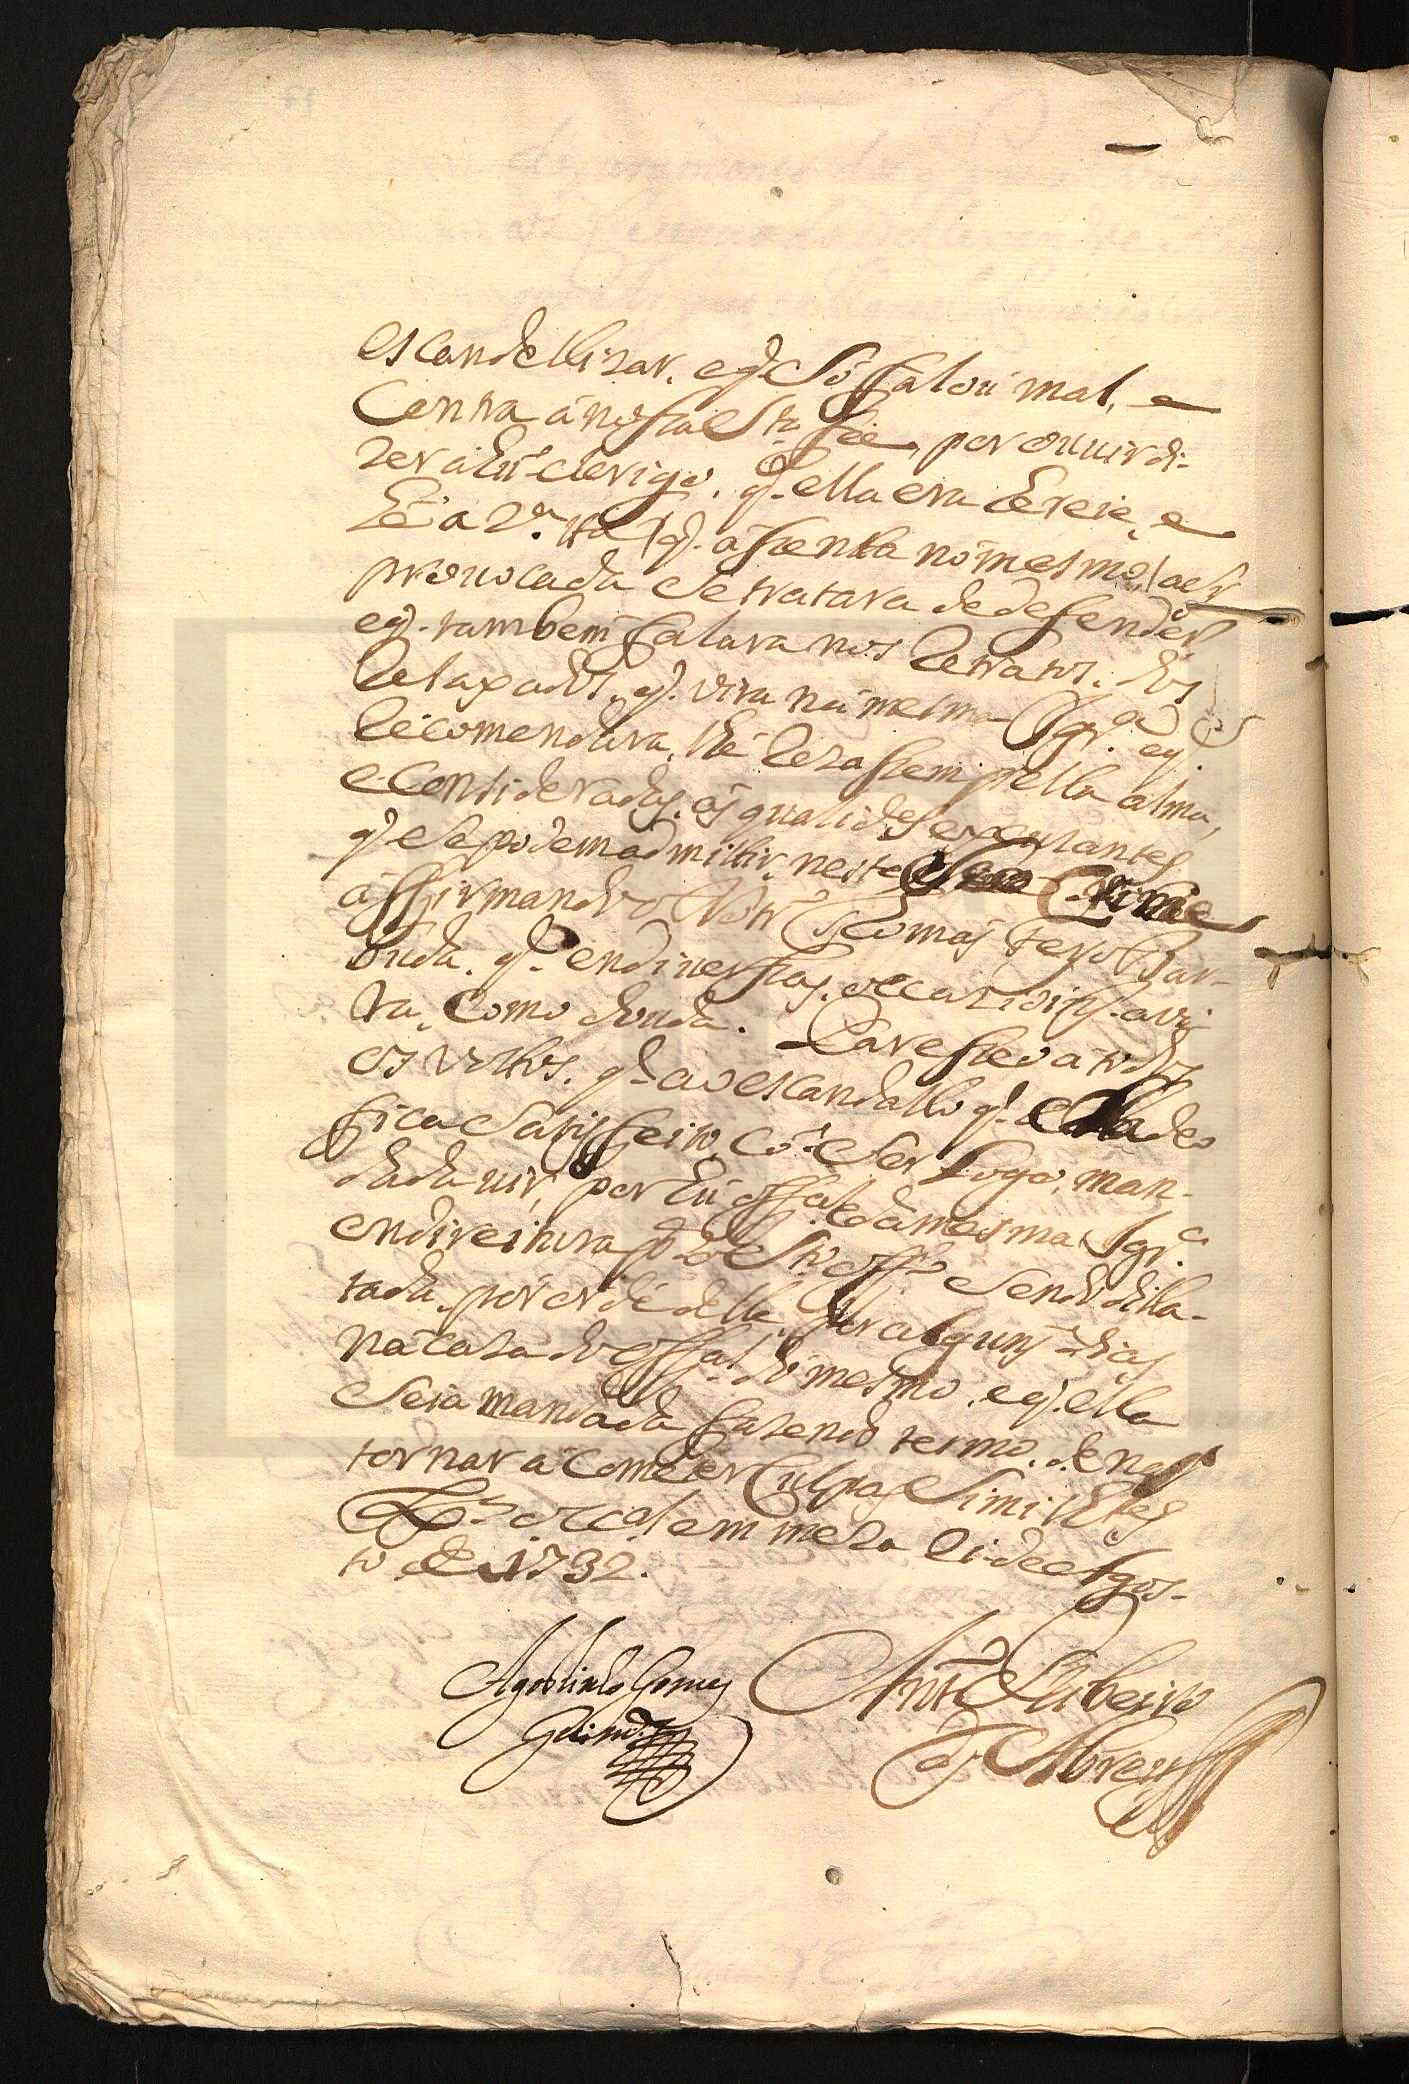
escandallizar e q̄ Só falou mal, e
Contra á nossa Sta fee por ouuir di
zer a hū clerigo, q̄ ella era hereie, e
he a 2a. tta /q̄. assenta no mesmo,/ aSi
prouocada se tratara de defender
e q̄. tambem falava nos Retratos. dos
Relaxados q̄ vira na mesma Igr.a e q̄
Recomendara, lhe Rezassem pella alma
e considerados, as qualides excusantes
q̄ Se podem admittir neste Seu Crime
affirmando o Notr.o Thomás Feyo Bar
buda. q̄. en diuersas, occazioins a vi
ra Como douda. Paresseo a todos
os vottos. q̄. ao escandallo q̄ ella deo
fica satisfeito, cō Ser logo, man
dada uir por hū off.al da mesma Igr.a
endireitura p̄ o S.to off.o sendo dilla
tada per ordē delle per alguns̄ dias
na caza do off.al do mesmo. e q̄ ella
seia mandada fazendo termo. de naõ
tornar a cometer Culpas Similhantes
Lxa occ.al em meza 2i de Agos
to de i732.
Agostinho Gomes
An̄to Ribeyro
Guim.e
dAbreu
